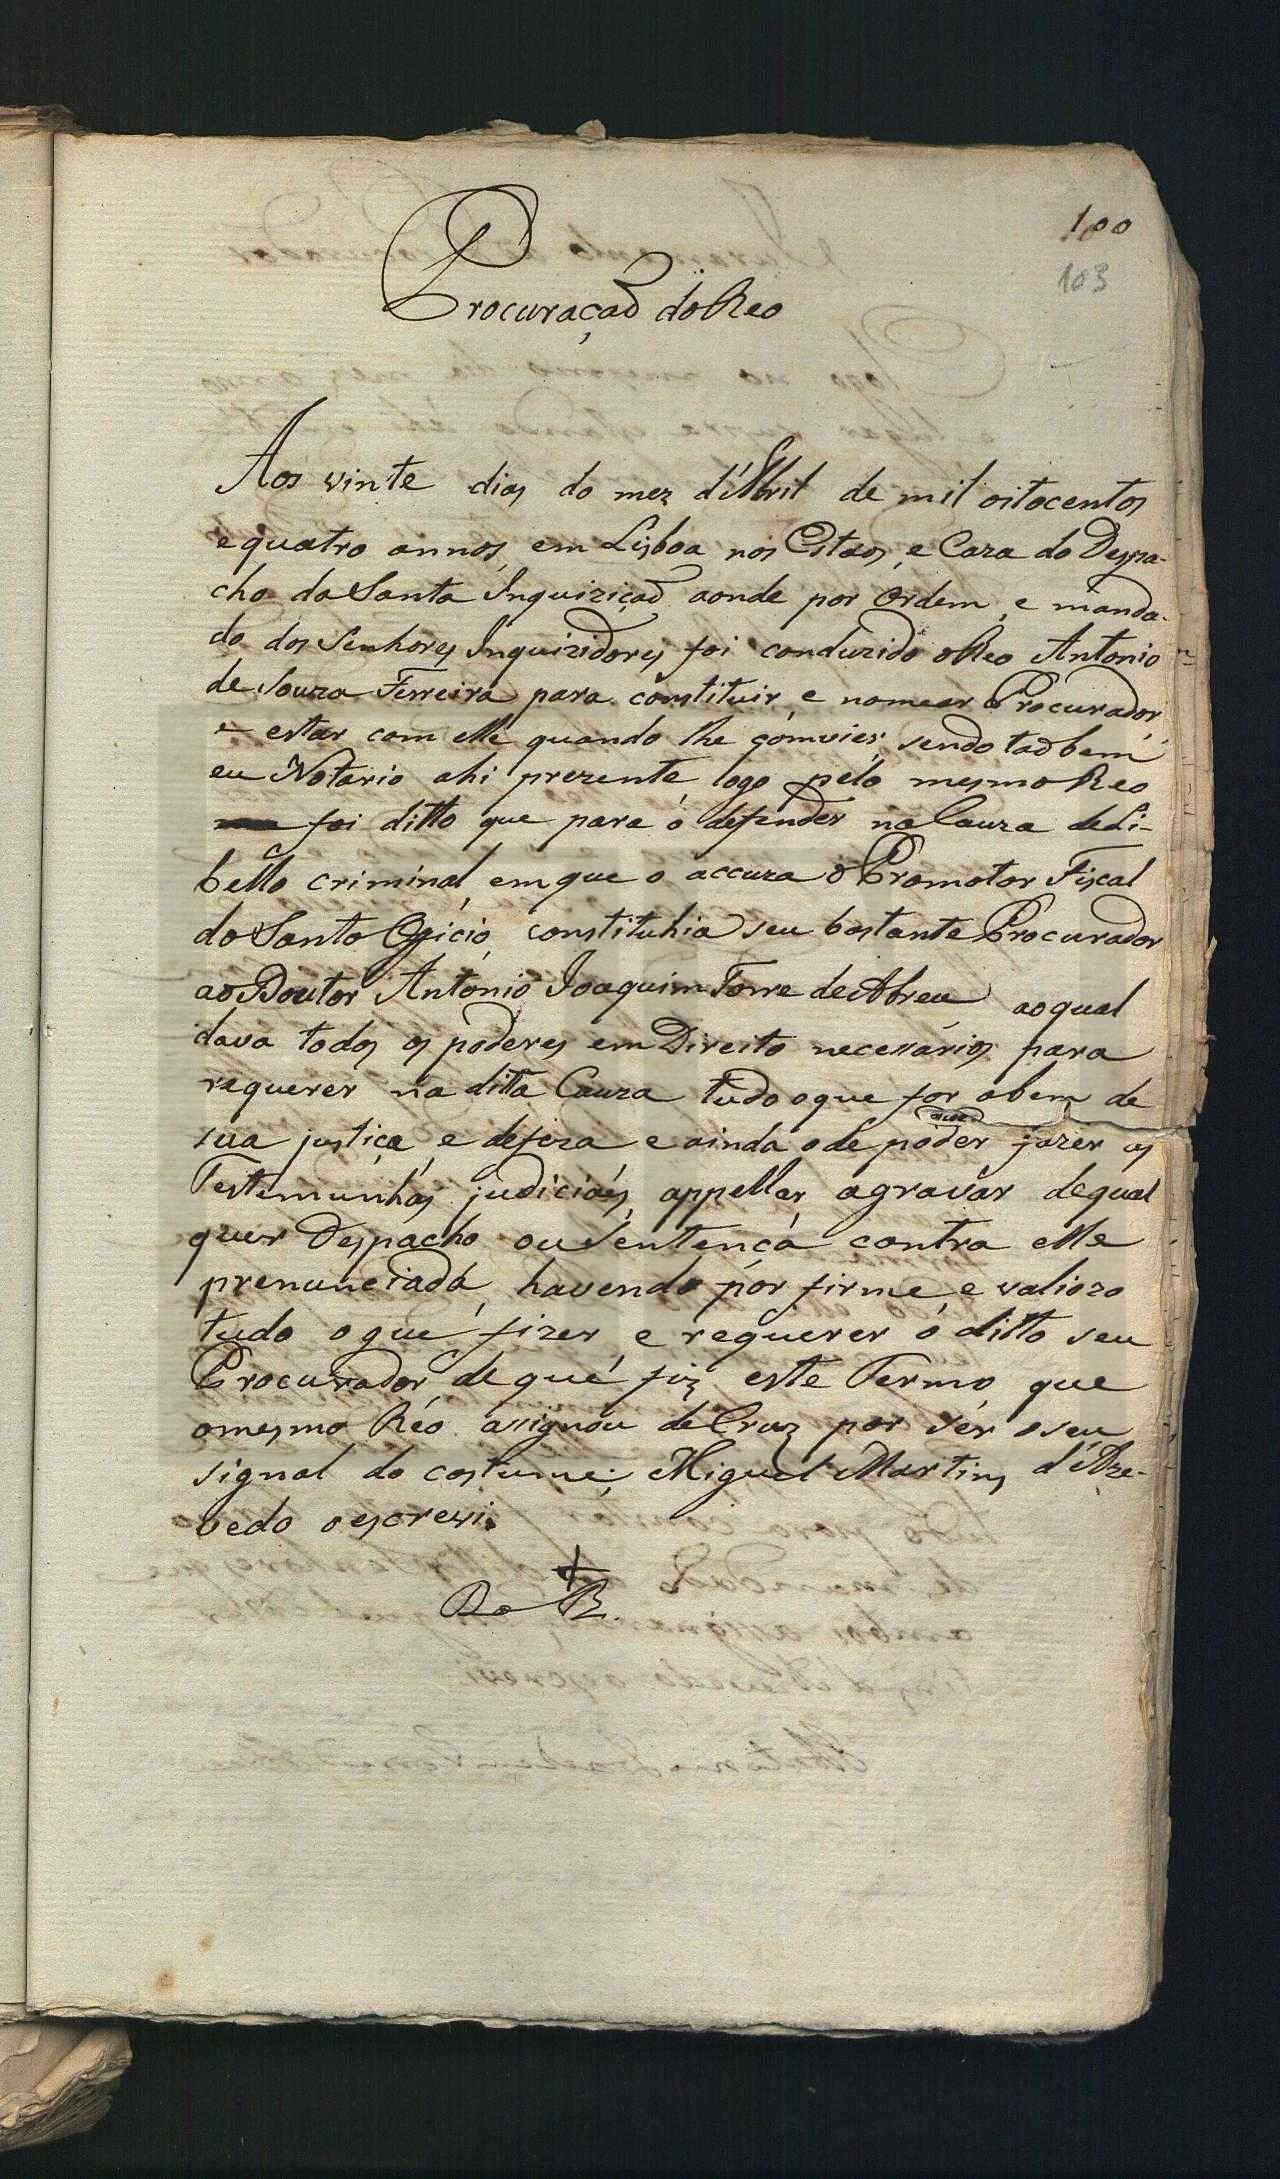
100
Procuração do Reo
Aos vinte dias do mez d'Abril de mil oitocentos
e quatro annos em Lisboa nos Estaos, e Caza do Despa
cho da Santa Inquiziçaõ aonde por Ordem, e manda
do dos Senhores Inquizidores foi conduzido o Reo Antonio
de souza Ferreira para constituir, e nomear Procurador
e estar com elle quando lhe comvier, sendo taõbem
eu Notario ahi prezente, logo pelo mesmo Reo
foi ditto que para o defender na Cauza de Li
bello criminal, em que o accuza o Promotor Fiscal
do Santo Oficio, constituhia seu bastante Procurador
ao Doutor Antonio Ioaquim Torre de Abreu, ao qual
dava todos os poderes em Direito necessarios para
requerer na dita Cauza tudo o que for a bem de
sua justiça, e defeza, e ainda o de poder fazer as
Testemunhas judiciaes, appellar, agravar, de qual
quer Despacho ou Sentença contra elle
prenunciada, havendo por firme, e valiozo
tudo o que fizer, e requerer o ditto seu
Procurador, de que fiz este Termo, que
o mesmo Reo assignou de Cruz por ser o seu
signal do costume; Miguel Martins d'Aze
vedo o escrevi.
Do R.
